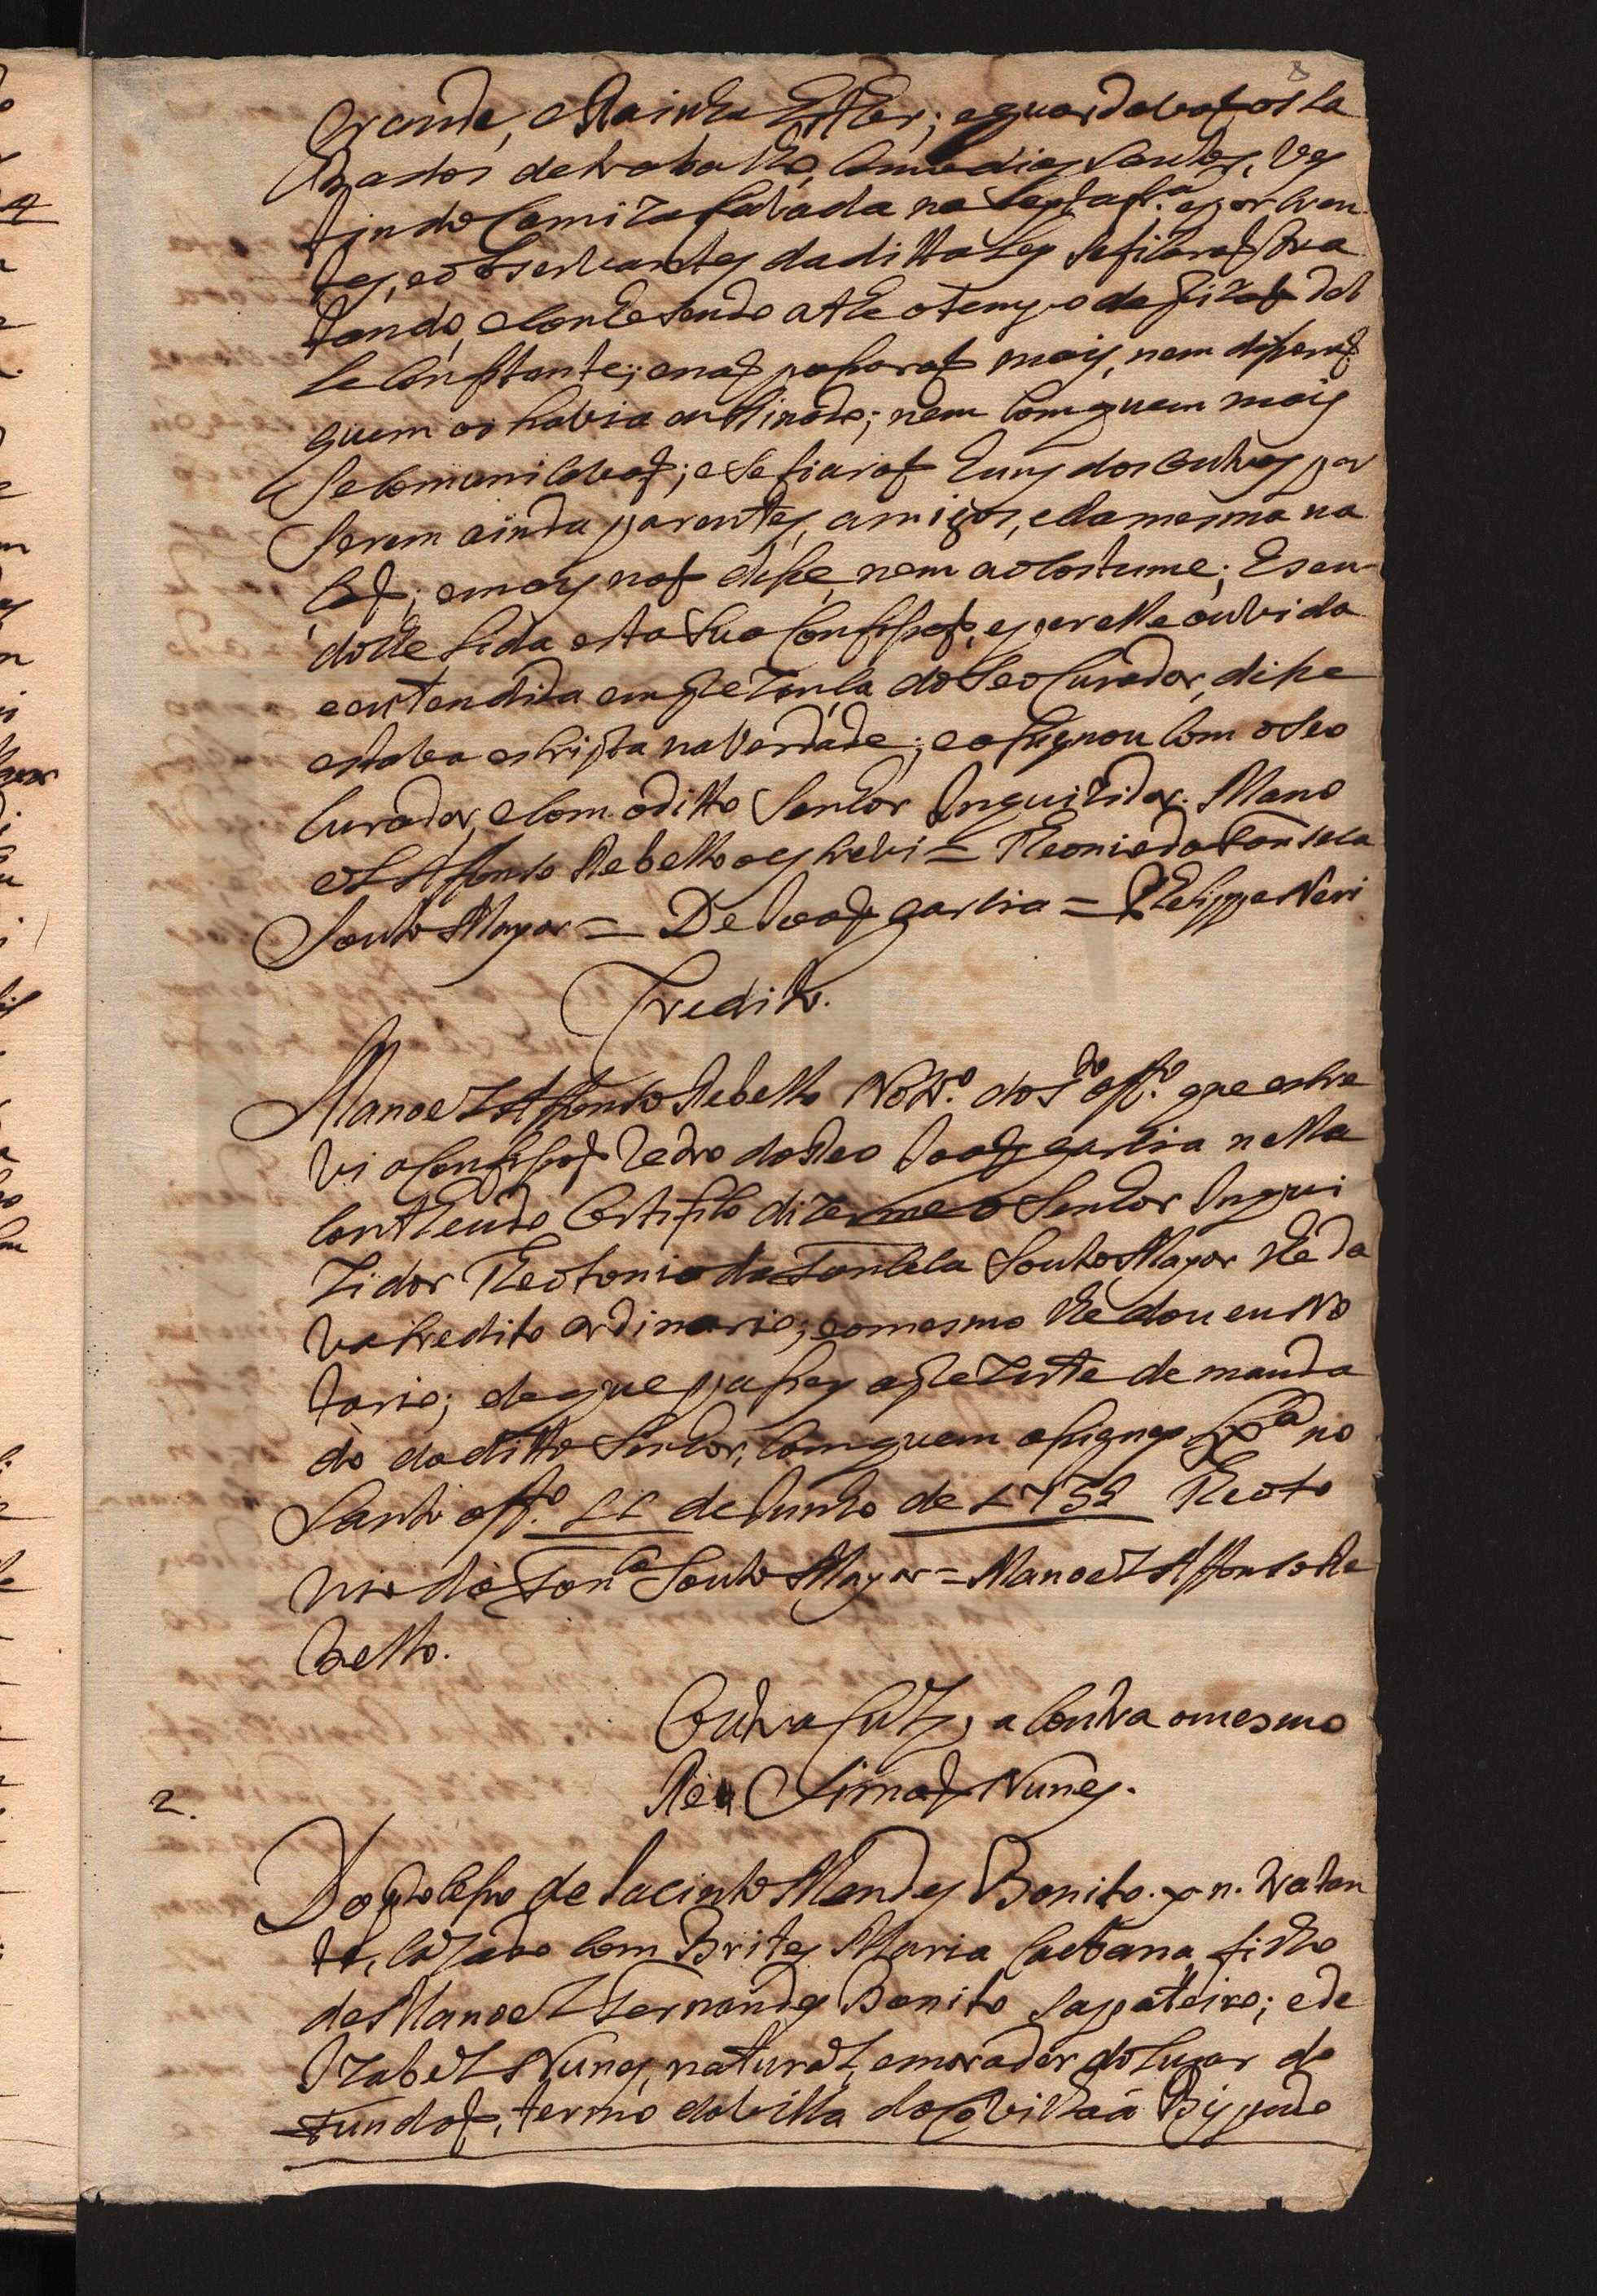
grande, e Rainha Esther; e guardavaõ os sa
bados de trabalho, como dias santos, ves
tindo Camiza lavada na sesta fr.a e por cren
tes, e observantes da ditta Ley se fiCaraõ tra
tando, e conhesendo athe o tempo da prizaõ del
le confitente; e naõ passaraõ mais, nem disseraõ
quem os havia ensinado; nem com quem mais
se comunicauaõ; e se fiaraõ huns dos outros por
serem ainda parentes, amigos, e da mesma na
Çaõ; e mais naõ disse nem ao costume; E sen
dolhe Lida esta sua Confissaõ, e por elle ouvida
e entendida em pRezença do Seo Curador, disse
estava esCripta na verdade; e assignou Com o seo
Curador, e com o ditto Senhor Inquizidor. Mano
el Affonso Rebello o escrevi = Theonio da Fonseca
Souto Mayor = De Ioaõ garcia = Phelippe Neri
Credito.
Manoel Affonso Rebello Notr.o do sto off.o que esCr
vi a Confissaõ Retro do Reo Ioaõ garcia nella
Contheudo Certifico dizerme o Senhor Inqui
Zidor Theotonio da Fonseca Souto Mayor lhe da
va Credito ordinario, e o mesmo lhe dou eu No
tario; de que passey a pRezente de manda
do do ditto Senhor, com quem assignej Lxa no
Santo off.o 11 de Iunho de 1735 Theoto
nio da Fonca Souto Mayor = Manoel Affonso Re
bello.
Outra Culpa Contra o mesmo
Ree Simaõ Nunes.
2.
Do pRoCesso de Iacinto Mendes Bonito. x n. tratan
te cazado com Brites Maria Caetana filho
de Manoel Fernandes Bonito sapateiro; e de
Izabel Nunes, natural, e morador do Lugar do
Fundaõ, termo da villa do Covilhaã Bispado
